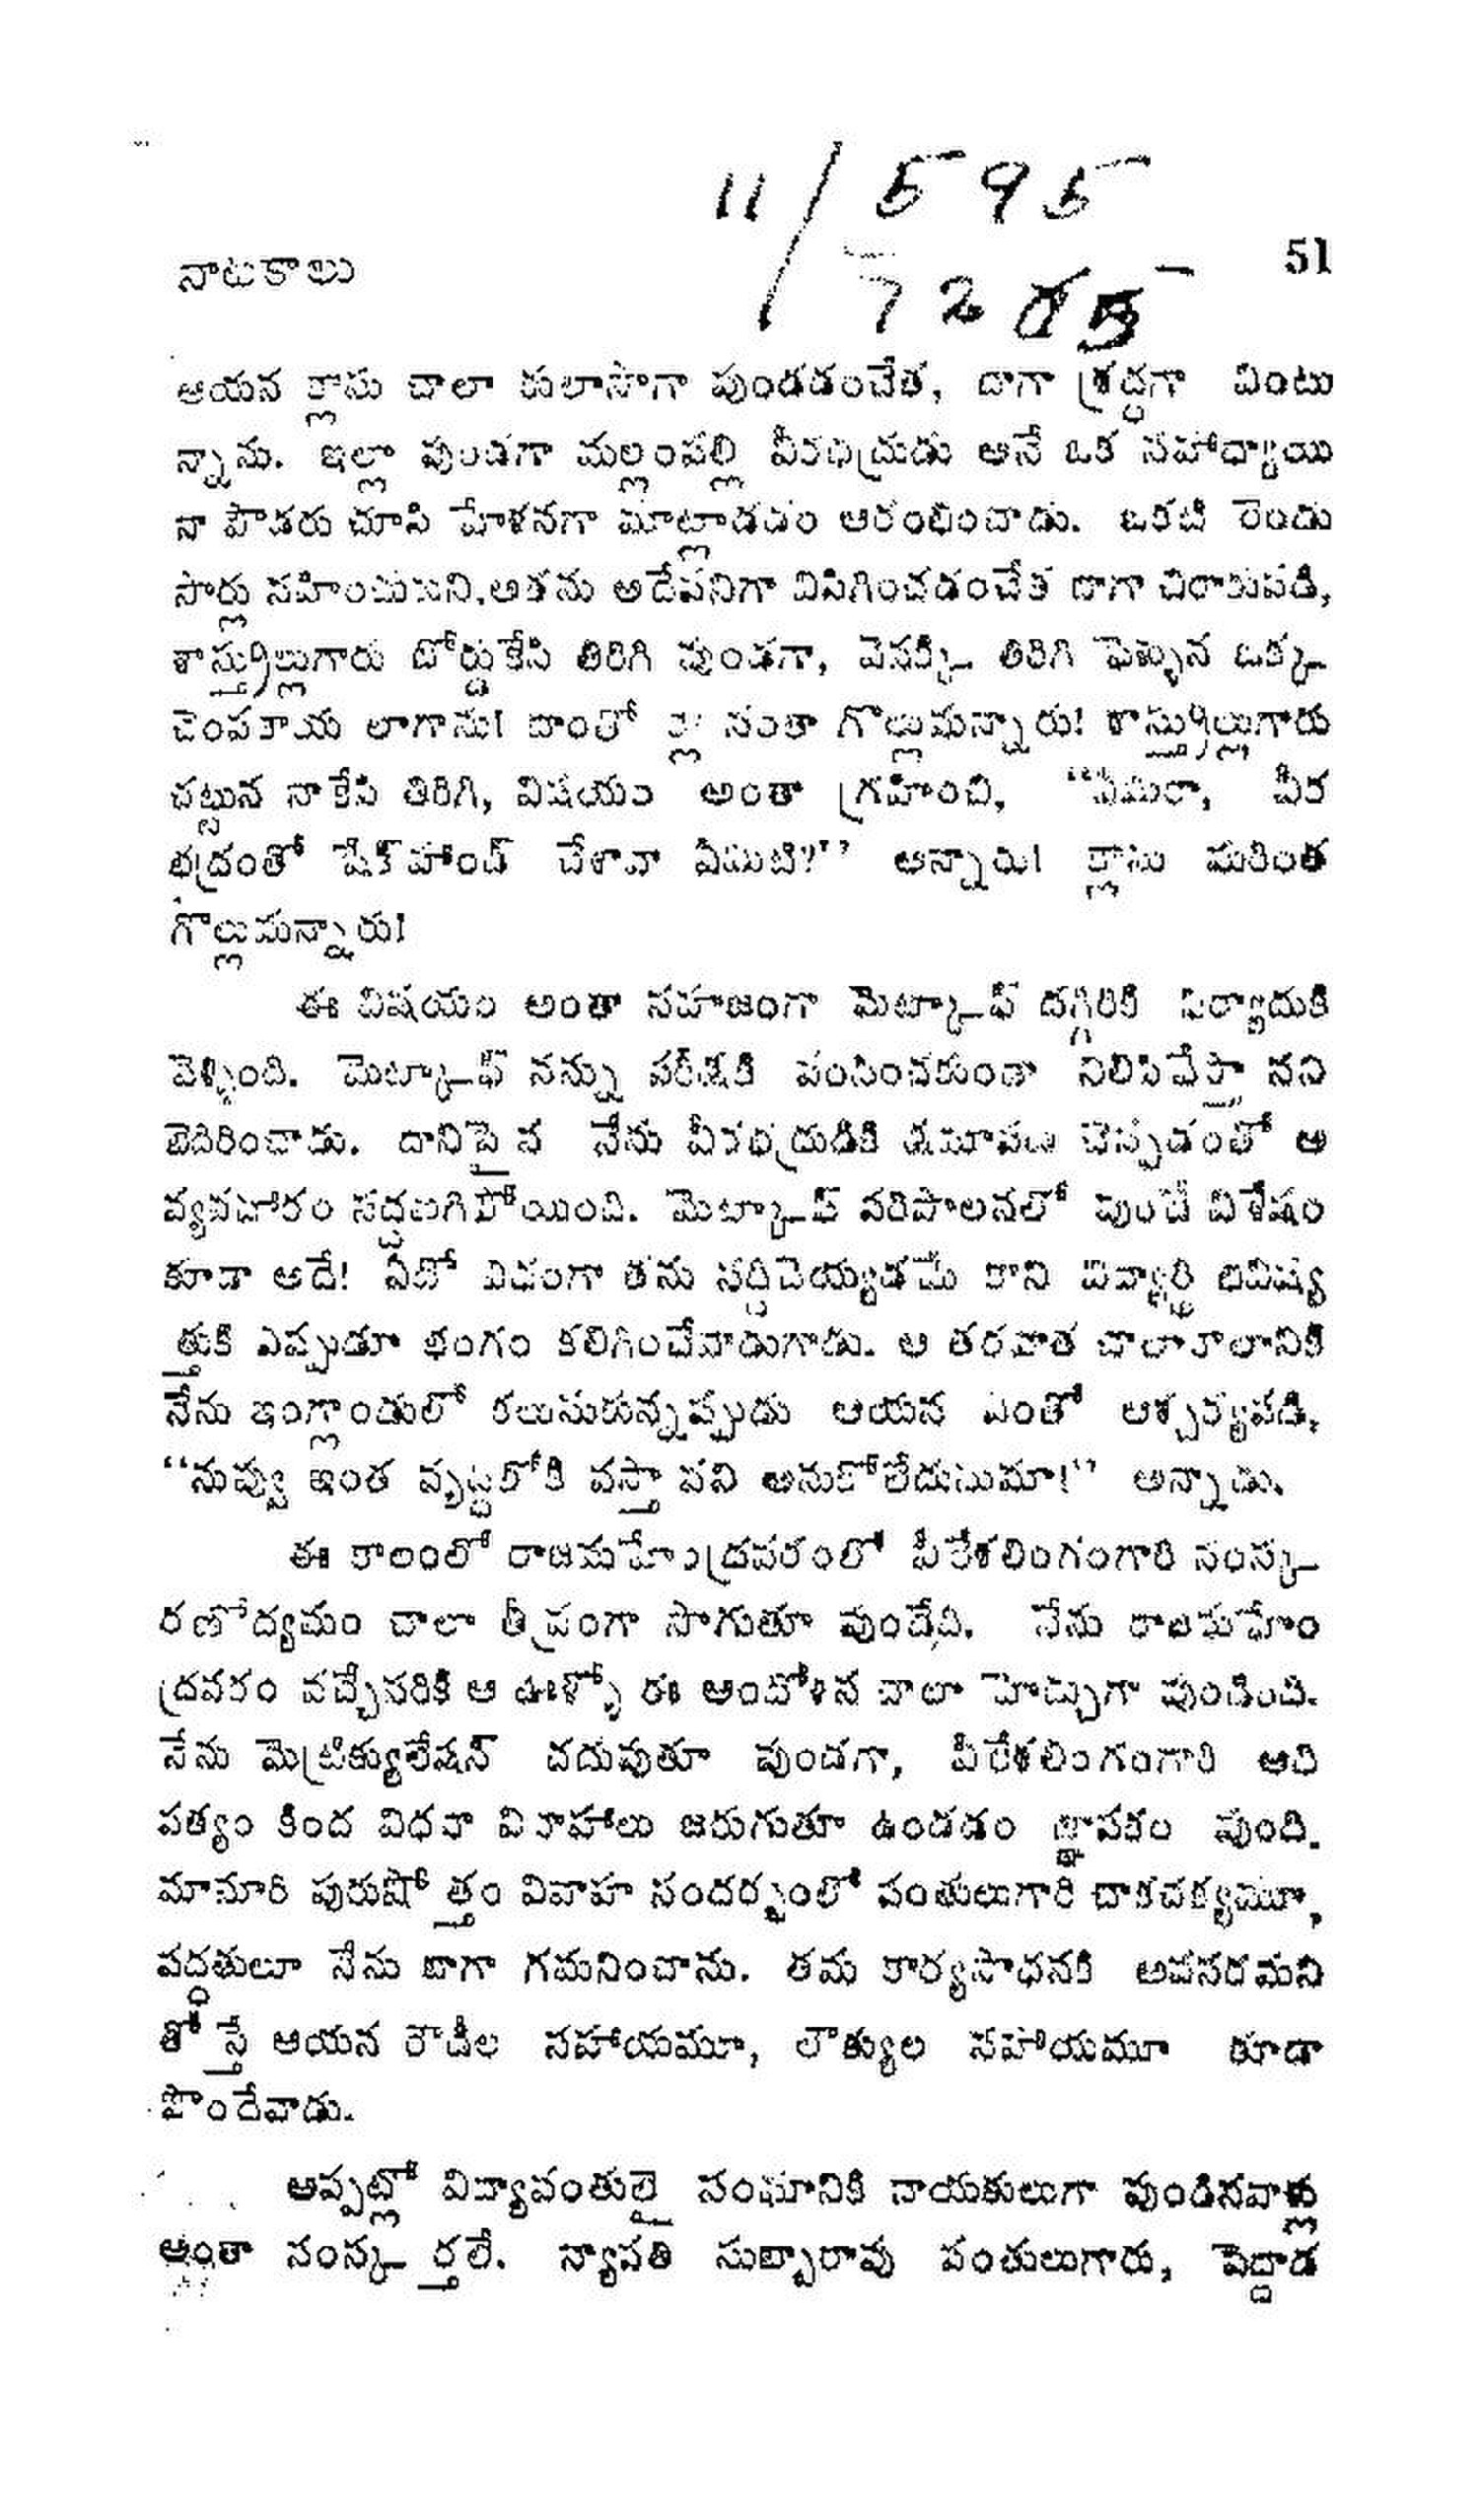ఆయన క్లాసు చాలా కులాసాగా వుండడంచేత, బాగా శ్రద్ధగా వింటున్నాను. ఇల్లా వుండగా మల్లంపల్లి వీరభద్రుడు అనే ఒక సహాధ్యాయి నా పౌడరు చూసి హేళనగా మాట్లాడడం ఆరంభించాడు. ఒకటి రెండు సార్లు సహించుకుని, అతను అదేపనిగా విసిగించడం చేత బాగా చిరాకుపడి, శాస్త్రుల్లుగారు బోర్డుకేసి తిరిగి వుండగా, వెనక్కి తిరిగి ఫెళ్ళున ఒక్క చెంపకాయ లాగాను! దాంతో క్లాసంతా గొల్లుమన్నారు! శాస్త్రుల్లుగారు చట్టున నాకేసి తిరిగి, విషయం అంతా గ్రహించి, "ఏమిరా, వీరభద్రంతో షేక్ హాండ్ చేశావా ఏమిటి?" అన్నారు! క్లాసు మరింత గొల్లుమన్నారు!

ఈ విషయం అంతా సహజంగా మెట్కాఫ్ దగ్గిరికి ఫిర్యాదుకి వెళ్ళింది. మెట్కాఫ్ నన్ను పరీక్షకి పంపించకుండా నిలిపివేస్తానని బెదిరించారు. దానిపైన నేను వీరభద్రుడికి క్షమాపణ చెప్పడంతో ఆ వ్యవహారమంతా సద్దణగిపోయింది. మెట్కాఫ్ పరిపాలనలో వుండే విశేషం కూడా అదే! ఏదో విధంగా తను సద్దిచెయ్యడమే కానీ విద్యార్థి భవిష్యత్తుకి ఎప్పుడూ భంగం కలిగించేవాడుగాడు. ఆ తరవాత చాలాకాలానికి నేను ఇంగ్లాండులో కలుసుకున్నప్పుడు ఆయన ఎంతో ఆశ్చర్యపడి "నువ్వు ఇంత వృద్ధిలోకి వస్తావని అనుకోలేదుసుమా!" అన్నాడు.

ఈ కాలంలో రాజమహేంద్రవరంలో వీరేశలింగంగారి సంస్కరణోద్యమం చాలా తీవ్రంగా సాగుతూ వుండేది. నేను రాజమహేంద్రవరం వచ్చేసరికి ఆ ఊళ్ళలో ఈ ఆందోళన చాలా హెచ్చుగా వుండింది. నేను మెట్రిక్యులేషన్ చదువుతూ వుండగా, వీరేశలింగం గారి ఆధిపత్యం కింద విధవా వివాహాలు జరుగుతూ ఉండడం జ్ఞాపకం వుంది. మానూరి పురుషోత్తం వివాహ సందర్భంలో పంతులుగారి చాకచక్యమూ, పద్ధతులూ నేను బాగా గమనించాను. తమ కార్యసాధనకి అవసరమని తోస్తే ఆయన రౌడీల సహాయమూ, లౌక్యుల సహాయమూ కూడా పొందేవాడు.

అప్పట్లో విద్యావంతులై సంఘానికి నాయకులుగా వుండినవాళ్లు అంతా సంస్కర్తలే. న్యాపతి సుబ్బారావు పంతులుగారు, పెద్దాడ